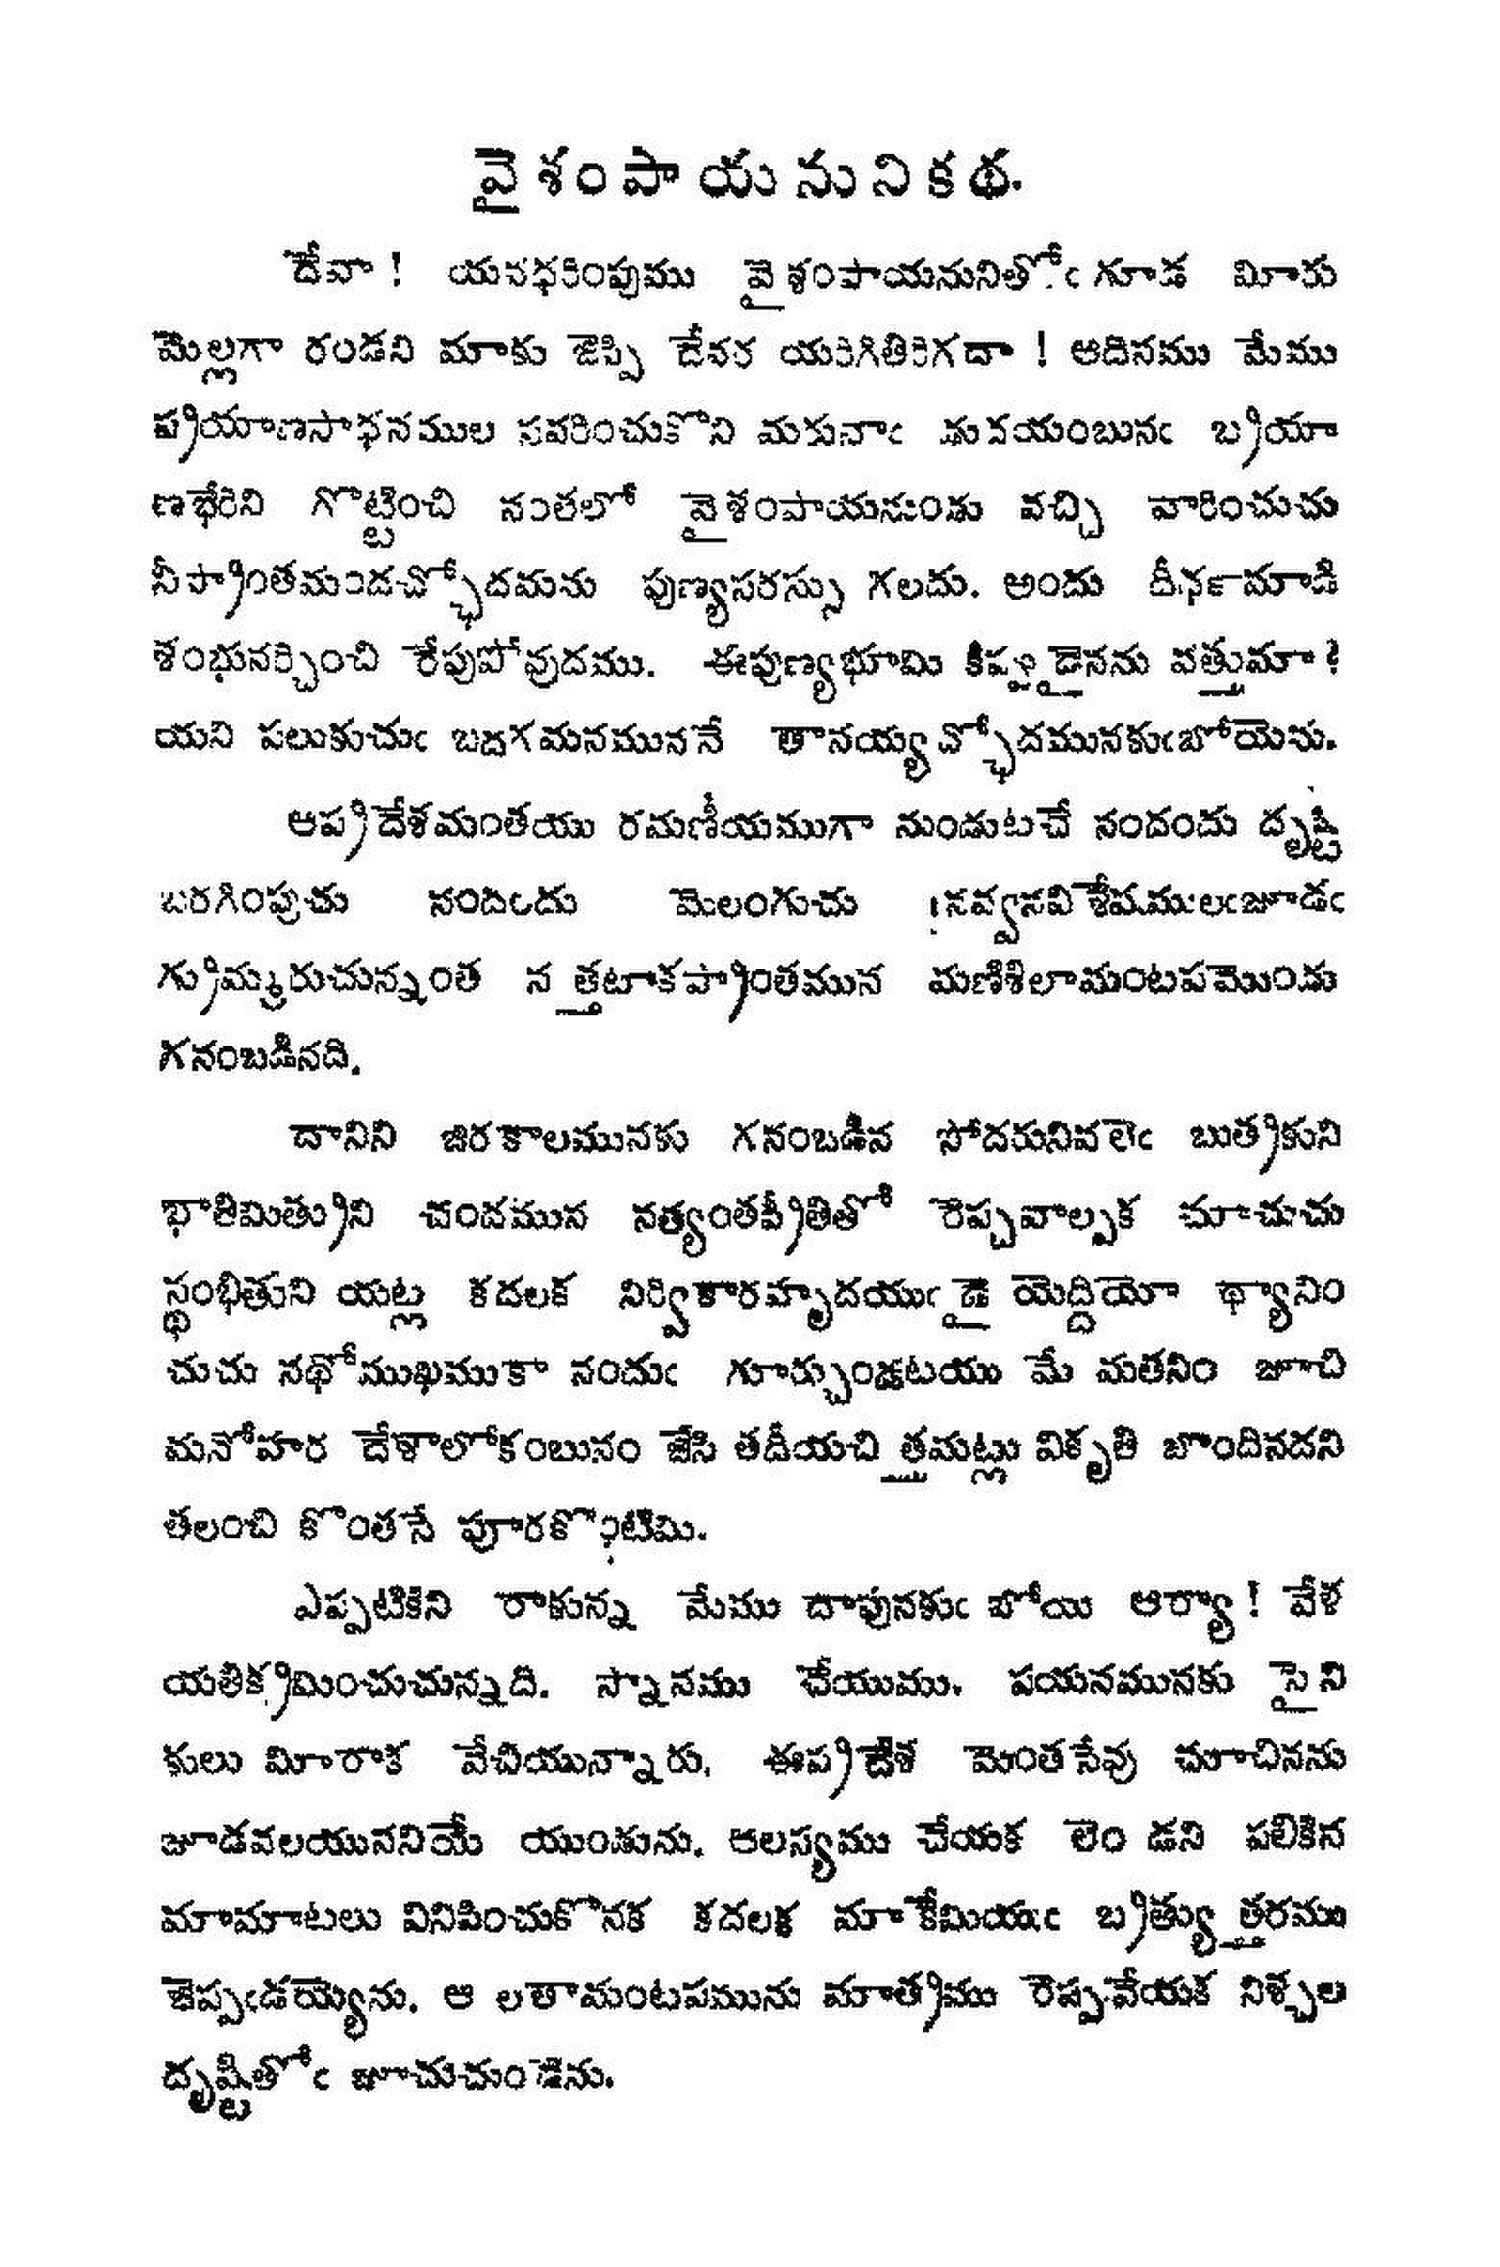వైశంపాయనుని కథ

దేవా! యవధరింపుము వైశంపాయనునితోఁగూడ మీరు మెల్లగా రండని మాకు జెప్పి దేవర యరిగితిరిగదా! ఆదినము మేము ప్రయాణసాధనముల సవరించుకొని మరునాఁ డుదయంబునఁ బ్రయాణభేరిని గొట్టించి నంతలో వైశంపాయనుండు వచ్చి వారించుచు నీప్రాంతమందచ్ఛోదమను పుణ్యసరస్సు గలదు. అందు దీధ౯మాడి శంభునర్చించి రేపుపోవుదము. ఈపుణ్యభూమి కిప్పుడైనను వత్తుమా? యని పలుకుచుఁ బదగమనముననే తానయ్యచ్ఛోదమునకుఁబోయెను.

ఆప్రదేశమంతయు రమణీయముగా నుండుటచే నందందు దృష్టి బరగింపుచు నందందు మెలంగుచు నవ్వనవిశేషములఁజూడఁ గ్రుమ్మరుచున్నంత నత్తటాకప్రాంతమున మణిశిలామంటపమొండు గనంబడినది.

దానిని జిరకాలమునకు గనంబడిన సోదరునివలెఁ బుత్రకుని భాతిమిత్రుని చందమున నత్యంతప్రీతితో రెప్పవాల్పక చూచుచు స్థంభితుని యట్ల కదలక నిర్వికారహృదయుఁ డై యెద్దియో థ్యానించుచు నథోముఖముకా నందుఁ గూర్చుండటయు మే మతనిం జూచి మనోహర దేశాలోకంబునం జేసి తదీయచిత్తమట్లు వికృతి బొందినదని తలంచి కొంతసే పూరకొంటిమి.

ఎప్పటికిని రాకున్న మేము దాపునకుఁ బోయి ఆర్యా! వేళ యతిక్రమించుచున్నది. స్నానము చేయుము. పయనమునకు సైనికులు మీరాక వేచియున్నారు. ఈప్రదేశ మెంతసేపు చూచినను జూడవలయుననియే యుండును. ఆలస్యము చేయక లెం డని పలికిన మామాటలు వినిపించుకొనక కదలక మాకేమియుఁ బ్రత్యుత్తరము జెప్పఁడయ్యెను. ఆ లతామంటపమును మాత్రము రెప్పవేయక నిశ్చల దృష్టితోఁ జూచుచుండెను.